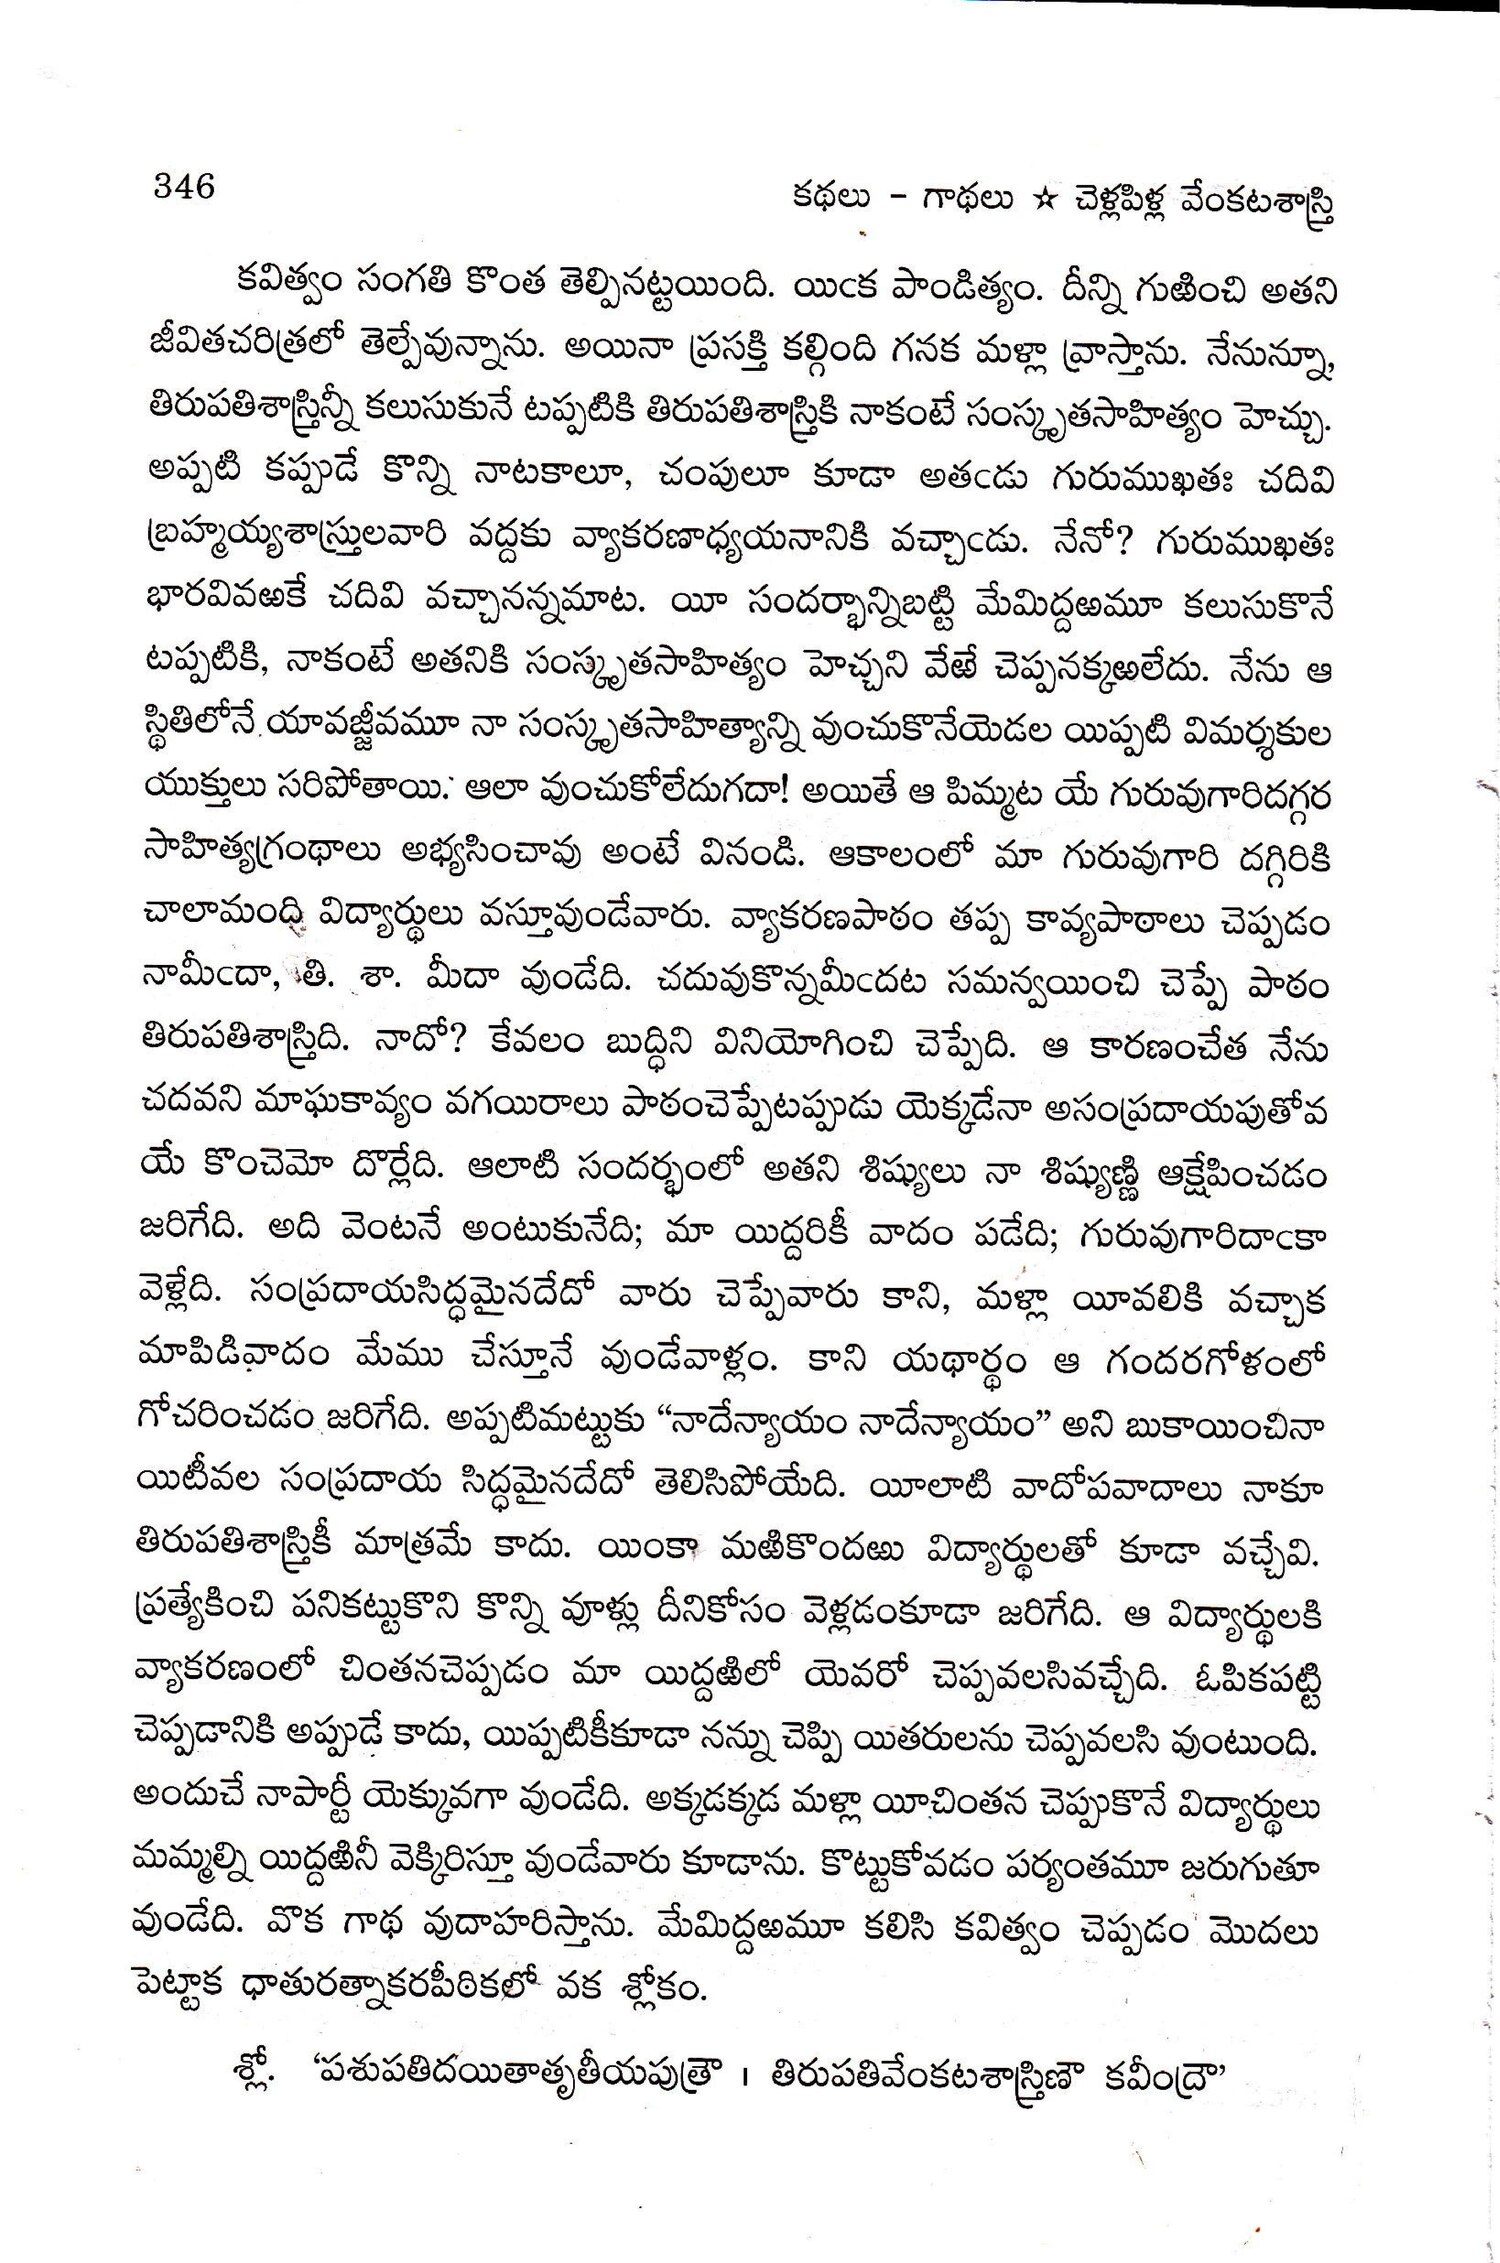కవిత్వం సంగతి కొంత తెల్పినట్టయింది. యిఁక పాండిత్యం. దీన్ని గుఱించి అతని జీవితచరిత్రలో తెల్పేవున్నాను. అయినా ప్రసక్తి కల్గింది గనక మళ్లా వ్రాస్తాను. నేనున్నూ, తిరుపతిశాస్త్రిన్నీ కలుసుకునే టప్పటికి తిరుపతిశాస్త్రికి నాకంటే సంస్కృతసాహిత్యం హెచ్చు. అప్పటి కప్పుడే కొన్ని నాటకాలూ, చంపులూ కూడా అతఁడు గురుముఖతః చదివి బ్రహ్మయ్యశాస్త్రులవారి వద్దకు వ్యాకరణాధ్యయనానికి వచ్చాఁడు. నేనో? గురుముఖతః భారవివఱకే చదివి వచ్చానన్నమాట. యీ సందర్భాన్నిబట్టి మేమిద్దఱమూ కలుసుకొనే టప్పటికి, నాకంటే అతనికి సంస్కృతసాహిత్యం హెచ్చని వేఱే చెప్పనక్కఱలేదు. నేను ఆ స్థితిలోనే యావజ్జీవమూ నా సంస్కృతసాహిత్యాన్ని వుంచుకొనేయెడల యిప్పటి విమర్శకుల యుక్తులు సరిపోతాయి. ఆలా వుంచుకోలేదుగదా! అయితే ఆ పిమ్మట యే గురువుగారిదగ్గర సాహిత్యగ్రంథాలు అభ్యసించావు అంటే వినండి. ఆకాలంలో మా గురువుగారి దగ్గిరికి చాలామంది విద్యార్థులు వస్తూవుండేవారు. వ్యాకరణపాఠం తప్ప కావ్యపాఠాలు చెప్పడం నామీఁదా, తి. శా. మీదా వుండేది. చదువుకొన్నమీఁదట సమన్వయించి చెప్పే పాఠం తిరుపతిశాస్త్రిది. నాదో? కేవలం బుద్ధిని వినియోగించి చెప్పేది. ఆ కారణంచేత నేను చదవని మాఘకావ్యం వగయిరాలు పాఠంచెప్పేటప్పుడు యెక్కడేనా అసంప్రదాయపుతోవ యే కొంచెమో దొర్లేది. ఆలాటి సందర్భంలో అతని శిష్యులు నా శిష్యుణ్ణి ఆక్షేపించడం జరిగేది. అది వెంటనే అంటుకునేది; మా యిద్దరికీ వాదం పడేది; గురువుగారిదాఁకా వెళ్లేది. సంప్రదాయసిద్ధమైనదేదో వారు చెప్పేవారు కాని, మళ్లా యీవలికి వచ్చాక మాపిడివాదం మేము చేస్తూనే వుండేవాళ్లం. కాని యథార్ధం ఆ గందరగోళంలో గోచరించడం జరిగేది. అప్పటిమట్టుకు “నాదేన్యాయం నాదేన్యాయం" అని బుకాయించినా యిటీవల సంప్రదాయ సిద్ధమైనదేదో తెలిసిపోయేది. యీలాటి వాదోపవాదాలు నాకూ తిరుపతిశాస్త్రికీ మాత్రమే కాదు. యింకా మఱికొందఱు విద్యార్థులతో కూడా వచ్చేవి. ప్రత్యేకించి పనికట్టుకొని కొన్ని వూళ్లు దీనికోసం వెళ్లడంకూడా జరిగేది. ఆ విద్యార్థులకి వ్యాకరణంలో చింతనచెప్పడం మా యిద్దఱిలో యెవరో చెప్పవలసివచ్చేది. ఓపికపట్టి చెప్పడానికి అప్పుడే కాదు, యిప్పటికీకూడా నన్నుచెప్పి యితరులను చెప్పవలసి వుంటుంది. అందుచే నాపార్టీ యెక్కువగా వుండేది. అక్కడక్కడ మళ్లాయీచింతన చెప్పుకొనే విద్యార్థులు మమ్మల్ని యిద్దఱినీ వెక్కిరిస్తూ వుండేవారు కూడాను. కొట్టుకోవడం పర్యంతమూ జరుగుతూ వుండేది. వొక గాథ వుదాహరిస్తాను. మేమిద్దఱమూ కలిసి కవిత్వం చెప్పడం మొదలు పెట్టాక ధాతురత్నాకరపీఠికలో వక శ్లోకం.

శ్లో. 'పశుపతిదయితాతృతీయపుత్రౌ ! తిరుపతివేంకటశాస్త్రిణౌ కవీంద్రౌ'